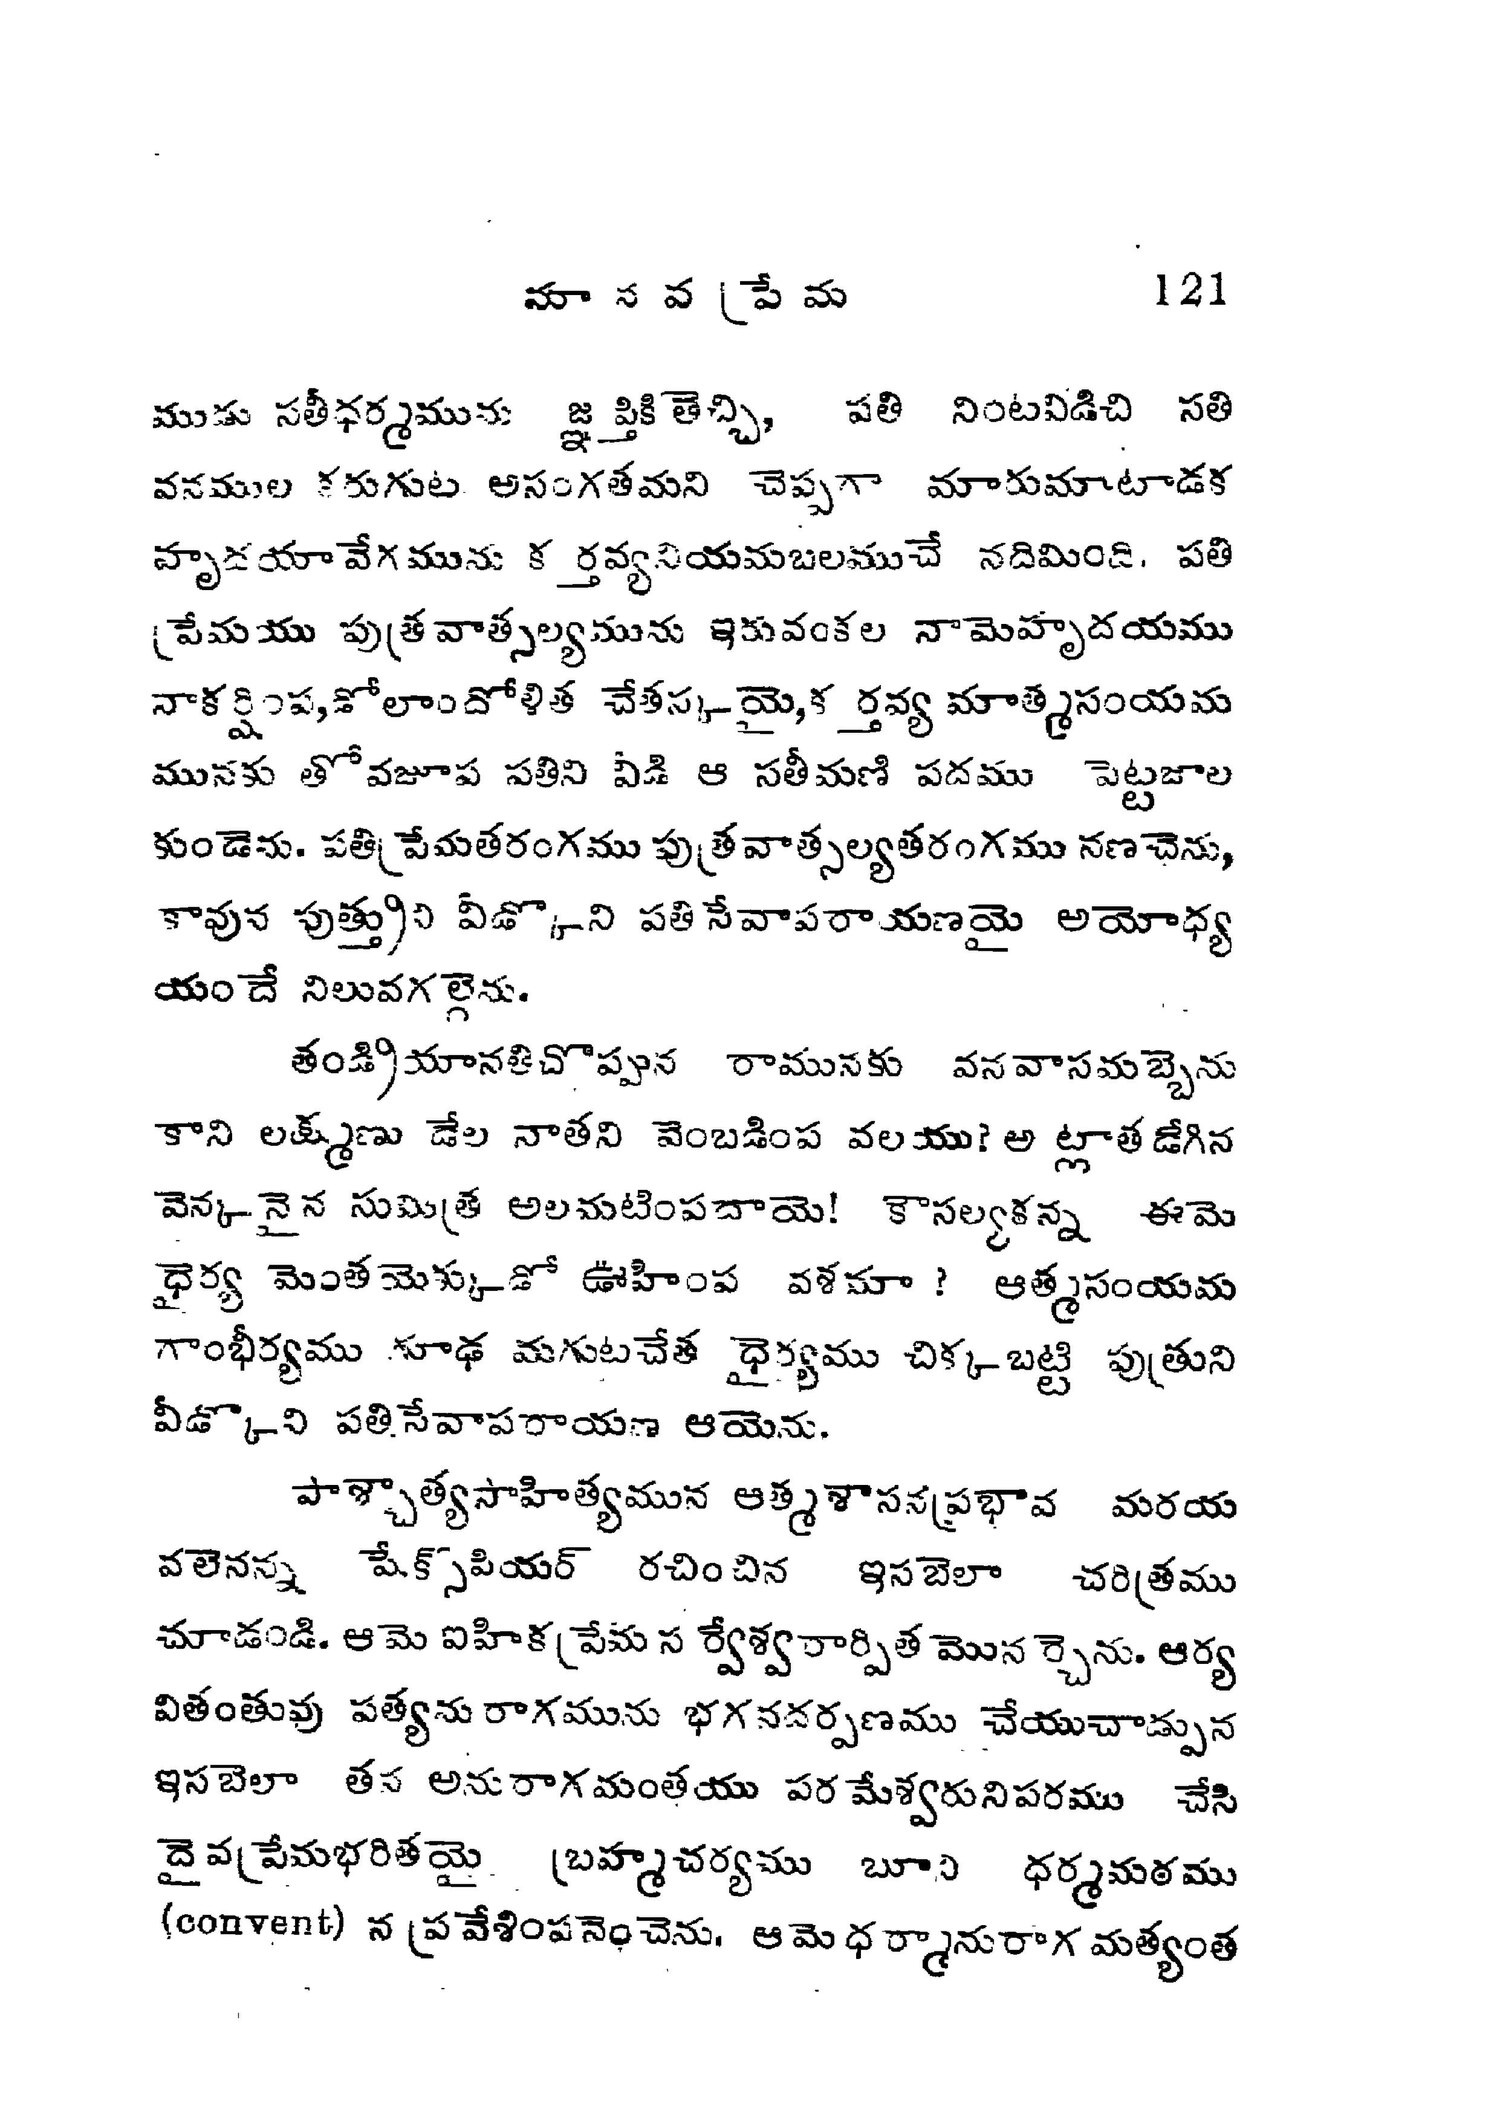ముడు సతీధర్మమును జ్ఞప్తికితెచ్చి, పతి నింటవిడిచి సతి వనముల కరుగుట అసంగతమని చెప్పగా మారుమాటాడక హృదయావేగమును కర్తవ్యనియమబలముచే నదిమింది. పతి ప్రేమయు పుత్రవాత్సల్యమును ఇరువంకల నామెహృదయము నాకర్షింప, డోలాందోళిత చేతస్కయై, కర్తవ్య మాత్మసంయమమునకు తోవజూప పతిని వీడి ఆ సతీమణి పదము పెట్టజాల కుండెను. పతిప్రేమతరంగము పుత్రవాత్సల్యతరంగము నణచెను, కావున పుత్రుని వీడ్కొని పతిసేవాపరాయణయై అయోధ్య యందే నిలువగల్గెను.

తండ్రియానతిచొప్పున రామునకు వనవాసమబ్బెను కాని లక్ష్మణు డేల నాతని వెంబడింప వలయు ? అ ట్లాతడేగిన వెన్కనైన సుమిత్ర అలమటింపదాయె! కౌసల్యకన్న ఈమె ధైర్య మెంతయెక్కుడో ఊహింప వశమా? ఆత్మసంయమ గాంభీర్యము రూఢ మగుటచేత ధైర్యము చిక్కబట్టి పుత్రుని వీడ్కొని పతిసేవాపరాయణ ఆయెను.

పాశ్చాత్యసాహిత్యమున ఆత్మశాసనప్రభావ మరయవలెనన్న షేక్స్‌పియర్ రచించిన ఇనబెలా చరిత్రము చూడండి. ఆమె ఐహికప్రేమ సర్వేశ్వరార్పిత మొనర్చెను. ఆర్య వితంతువు పత్యను రాగమును భగవదర్పణము చేయుచాడ్పున ఇనబెలా తన అనురాగమంతయు పరమేశ్వరునిపరము చేసి దైవప్రేమభరితయై బ్రహ్మచర్యము బూని ధర్మమఠము (convent) న ప్రవేశింపనెంచెను. ఆమె ధర్మానురాగ మత్యంత